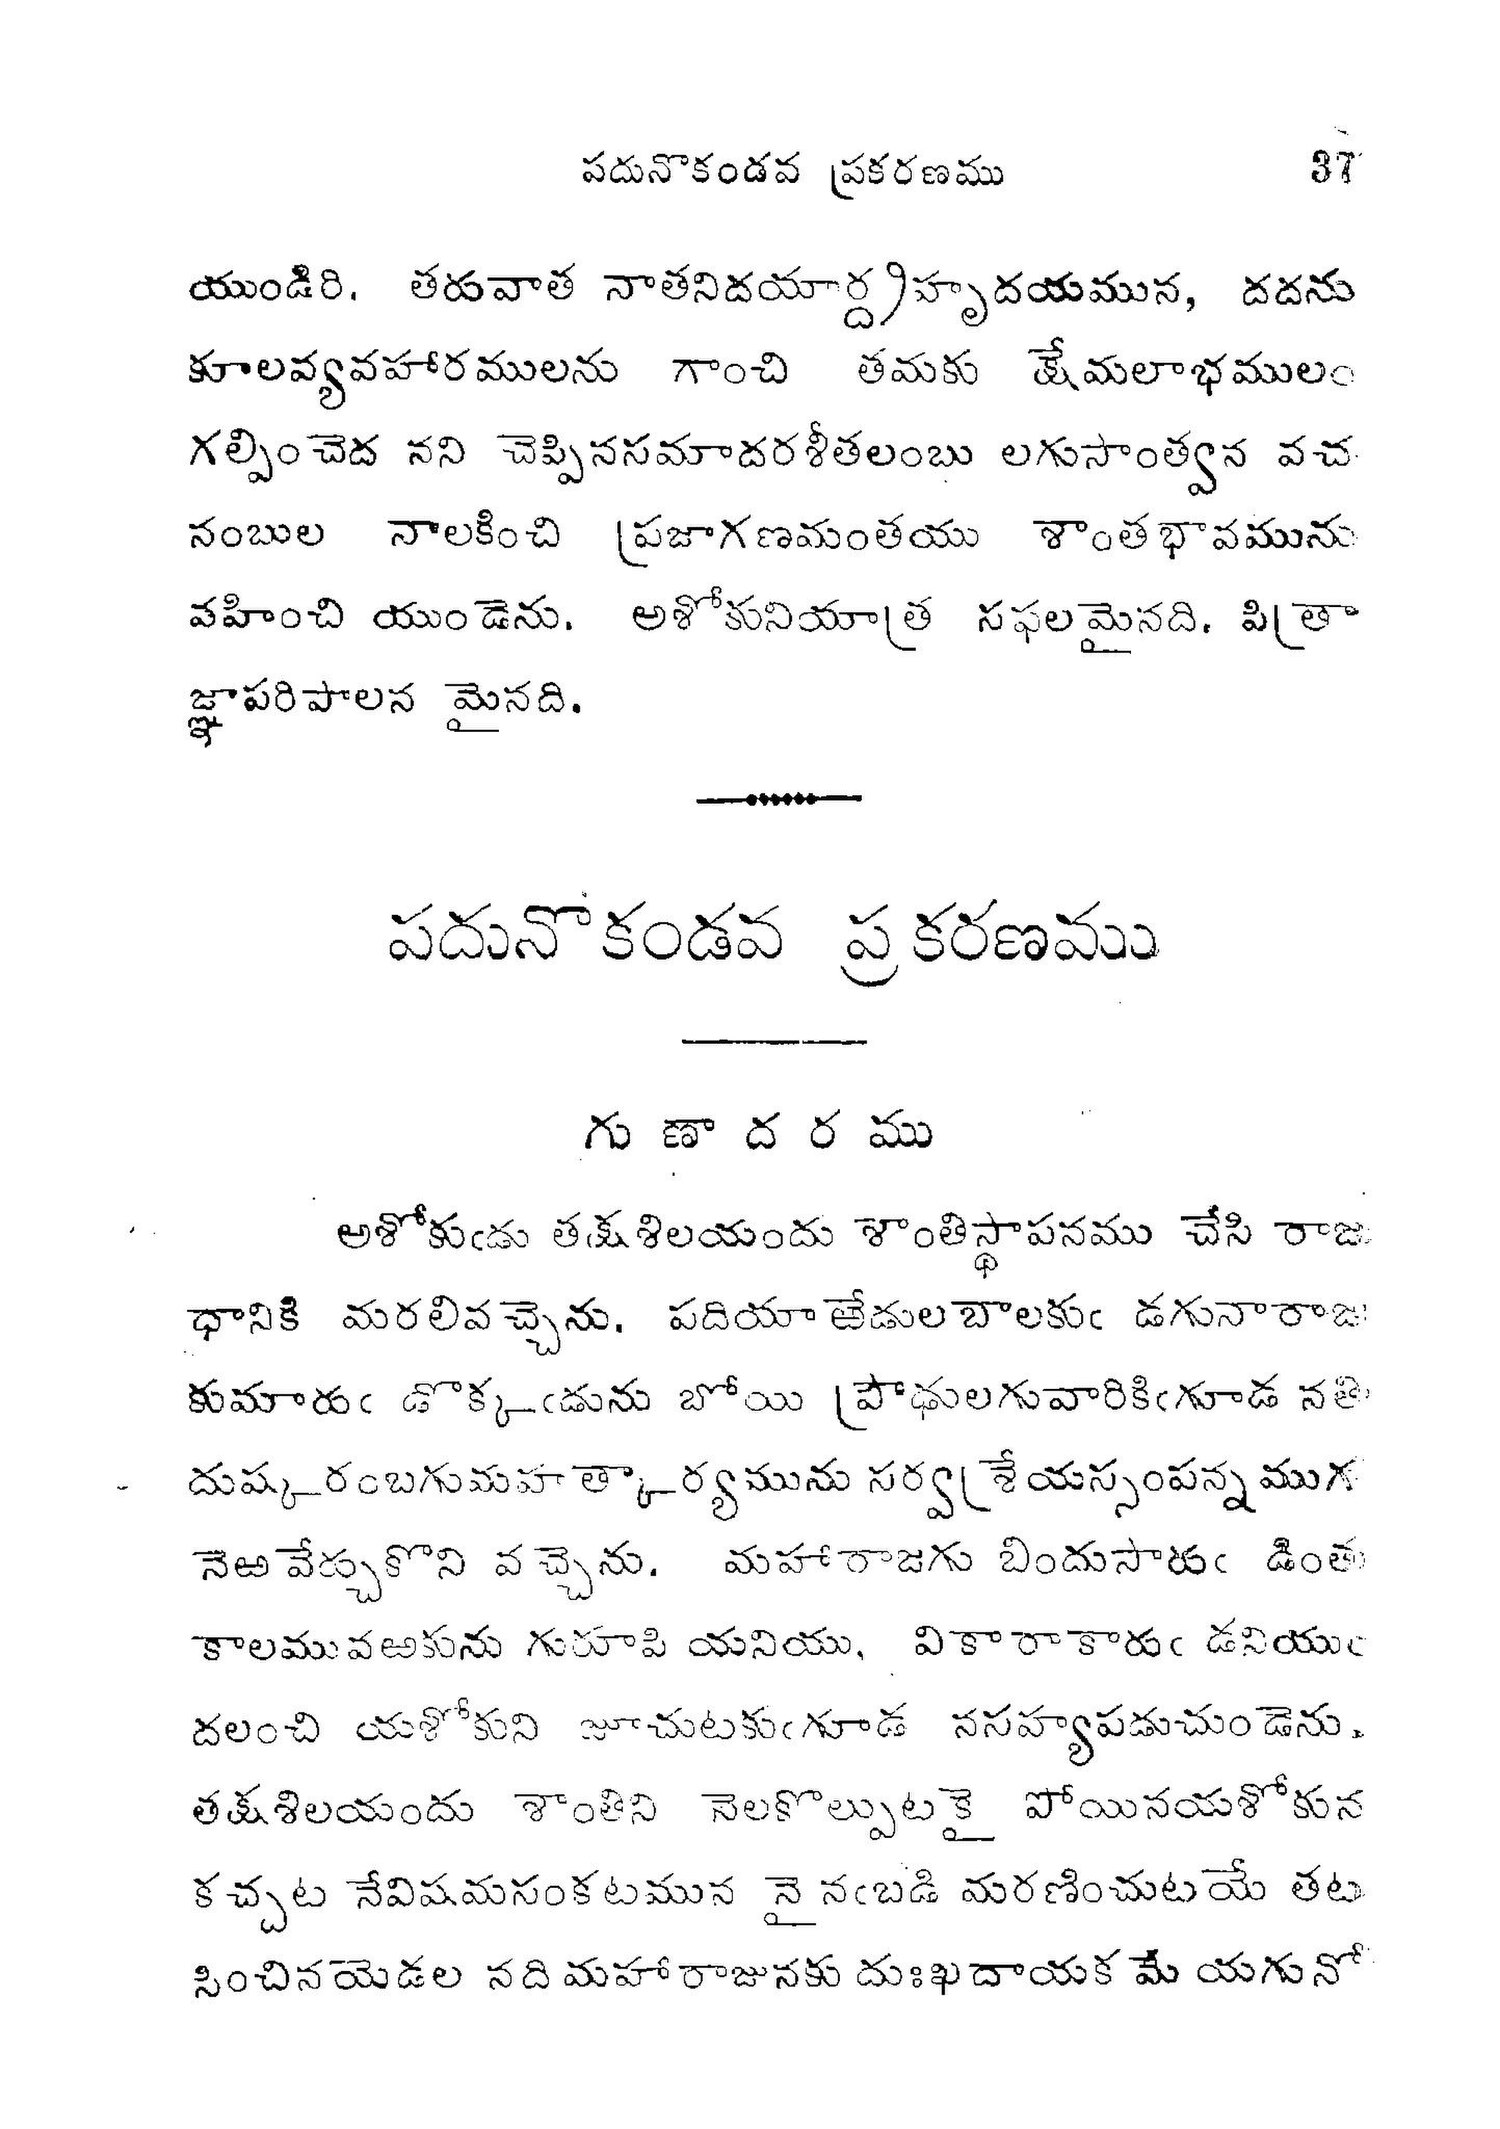యుండిరి. తరువాత నాతనిదయార్ద్రహృదయమున, దదను కూలవ్యవహారములను గాంచి తమకు క్షేమలాభములం గల్పిం చెద నని చెప్పిన సమాదర శీతలంబు లగు సాంత్వన వచనంబుల నాలకించి ప్రజాగణమంతయు శాంత భావమును వహించి యుండెను. అశోకునియాత్ర సఫలమైనది. పిత్రాజ్ఞాపరి పాలన మైనది.

పదునొకండవ ప్రకరణము

అశోకుఁడు తక్ష శిలయందు శాంతి స్థాపనము చేసి రాజధానికి మరలివచ్చెను. పదియాఱేడుల బాలకుఁ డగునా రాజు! కుమారుఁ డొక్కఁడును బోయి ప్రౌడులగువారికిఁగూడ నతి దుష్కరంబగు మహత్కార్యమును సర్వశ్రేయస్సంపన్నముగ నేఱ వేర్చుకొని వచ్చెను. మహారాజగు బిందుసారుఁ డింత, కాలము వఱకును గురూపి యనియు, వికారాకారుఁ డనియుఁ దలంచి యశోకుని జూచుటకుఁ గూడ నసహ్యపడుచుండెను, తక్ష శిలయందు శాంతిని నెలకొల్పుటకై పోయినయశోకున కచ్చట నేవిషమసంకటమున నైనఁబడి మరణించుటయే తటసించిన యెడల నది మహారాజునకు దుఃఖదాయక మే యగునో